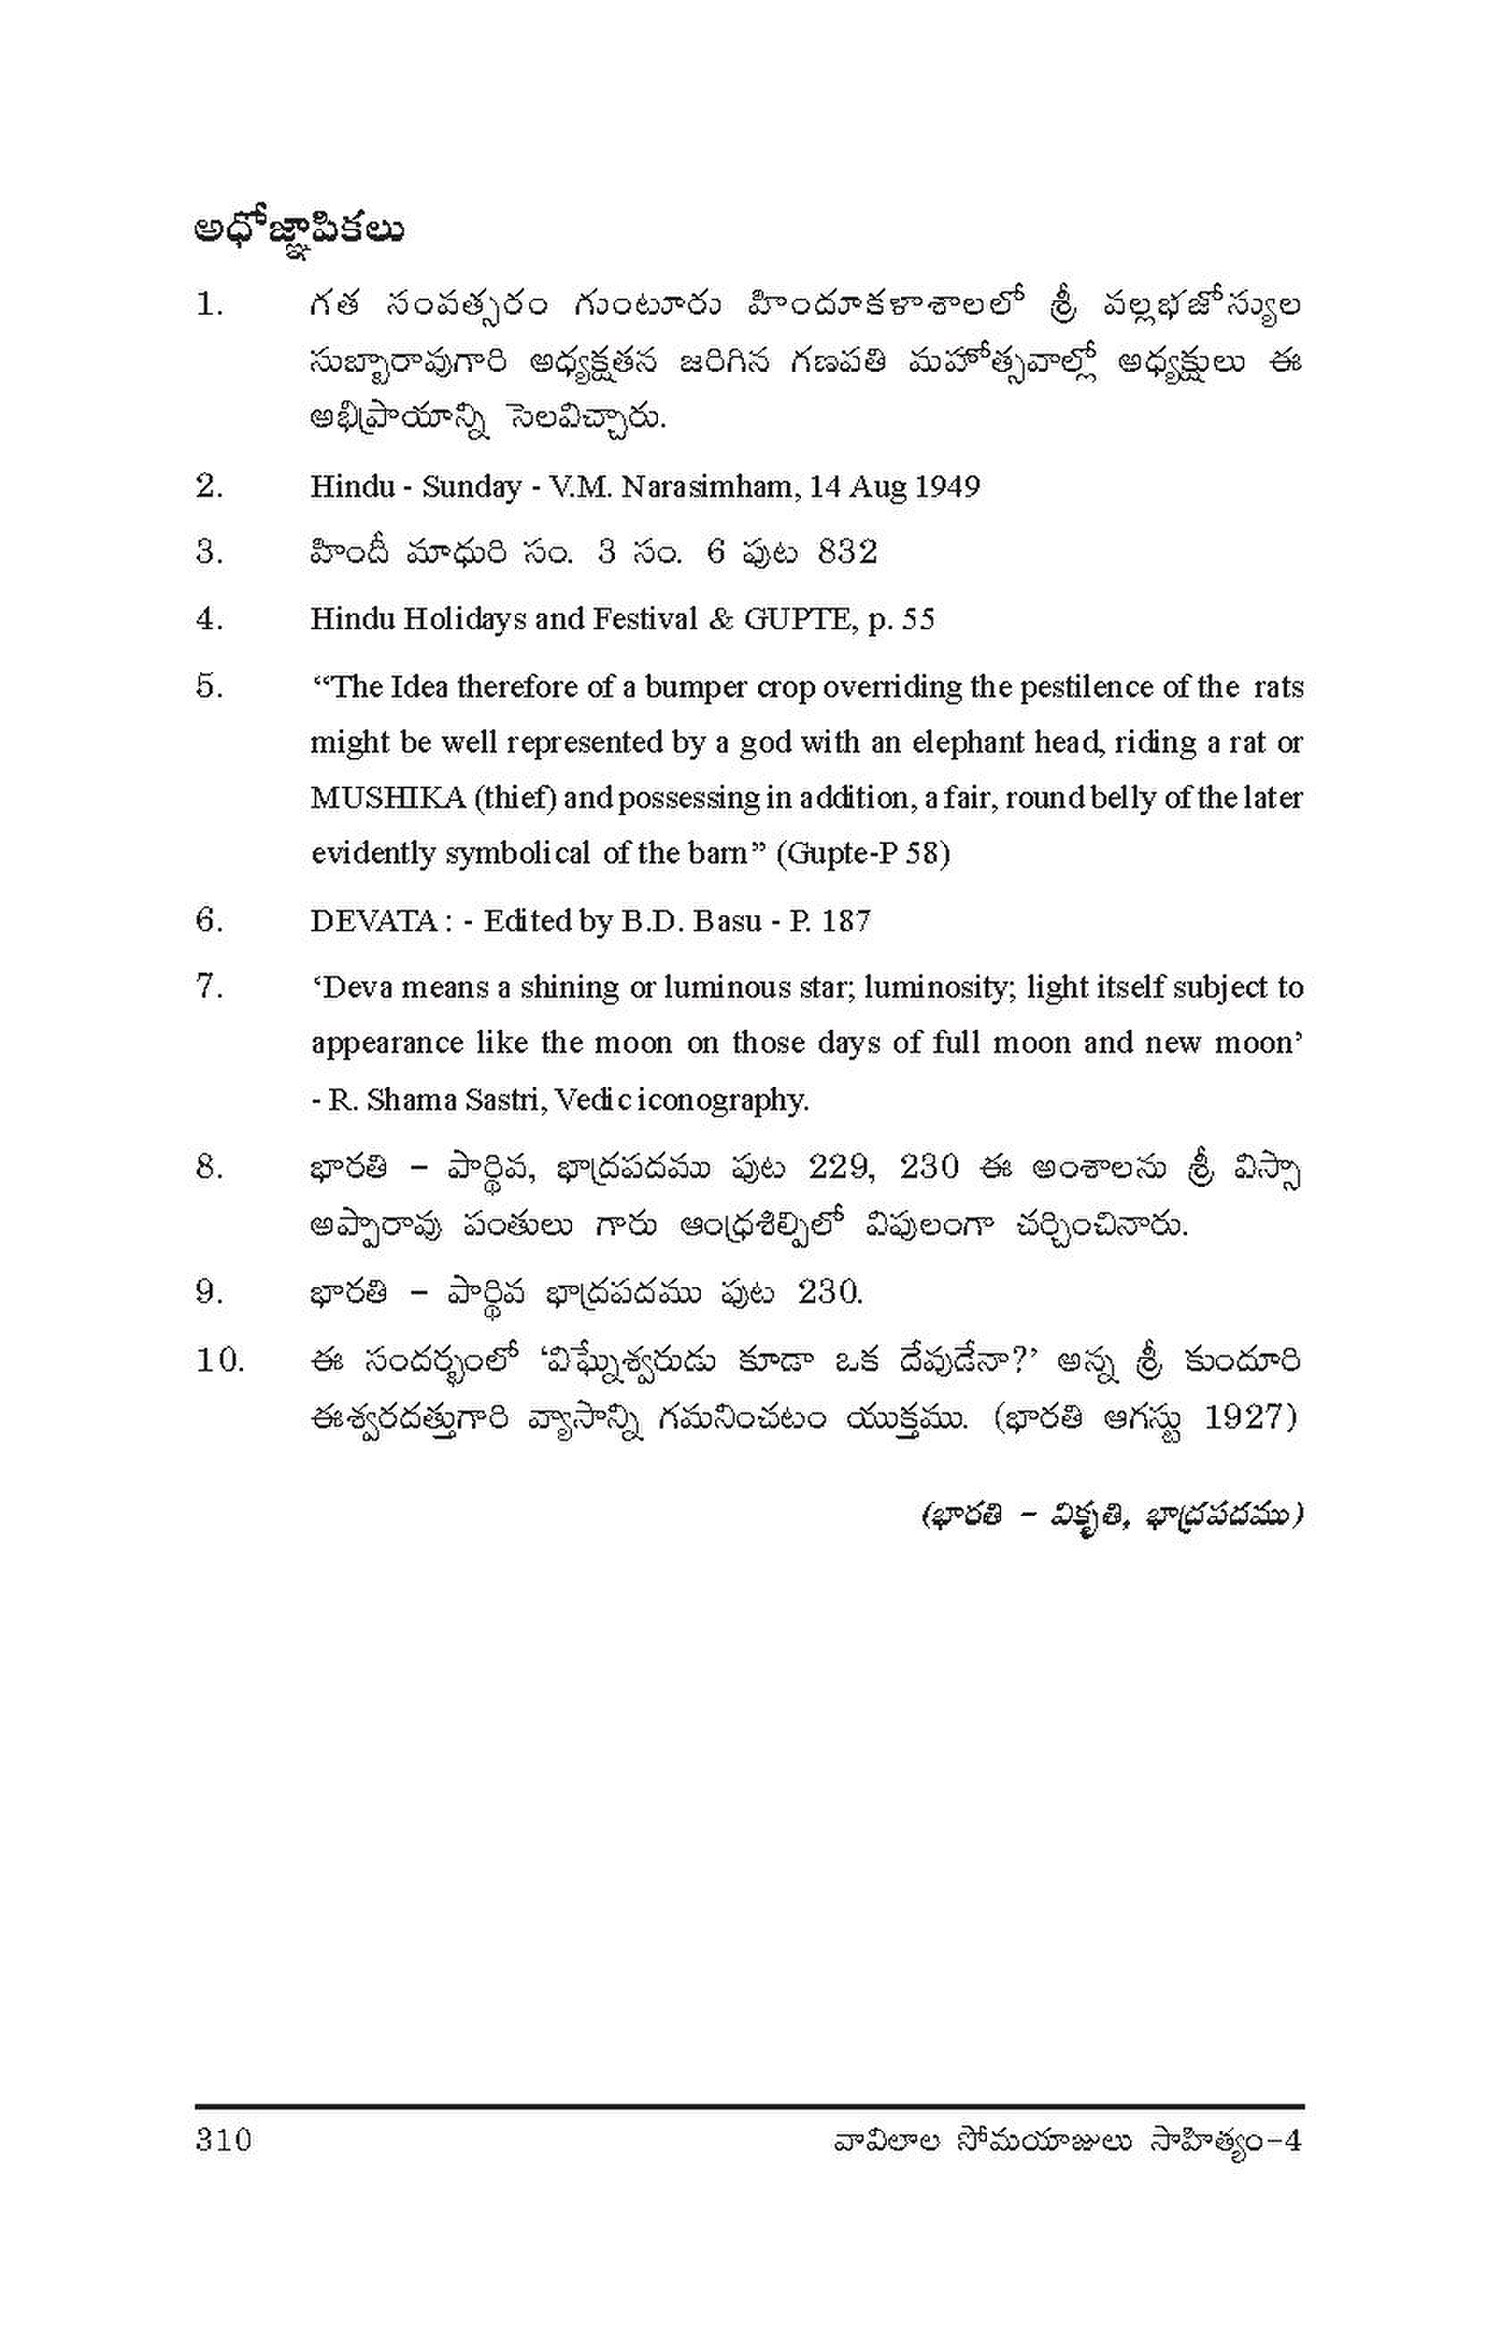అధోజ్ఞాపికలు

1. గత సంవత్సరం గుంటూరు హిందూకళాశాలలో శ్రీ వల్లభజోస్యుల
సుబ్బారావుగారి అధ్యక్షతన జరిగిన గణపతి మహోత్సవాల్లో అధ్యక్షులు ఈ
అభిప్రాయాన్ని సెలవిచ్చారు.

2. Hindu - Sunday - V.M. Narasimham, 14 Aug 1949

3. హిందీ మాధురి సం. 3 సం. 6 పుట 832

4. Hindu Holidays and Festival & GUPTE, p. 55

5. "The Idea therefore of a bumper crop overriding the pestilence of the rats
might be well represented by a god with an elephant head, riding a rat or
MUSHIKA (thief) and possessing in addition, a fair, round belly of the later
evidently symbolical of the barn" (Gupte-P 58)

6. DEVATA : - Edited by B.D. Basu - P. 187

7. 'Deva means a shining or luminous star, luminosity, light itself subject to
appearance like the moon on those days of full moon and new moon'
- R. Shama Sastri, Vedic iconography.

8. భారతి - పార్థివ, భాద్రపదము పుట 229, 230 ఈ అంశాలను శ్రీ విస్సా
అప్పారావు పంతులు గారు ఆంధ్రశిల్పిలో విపులంగా చర్చించినారు.

9. భారతి - పార్థివ భాద్రపదము పుట 230.

10. ఈ సందర్భంలో 'విఘ్నేశ్వరుడు కూడా ఒక దేవుడేనా?' అన్న శ్రీ కుందూరి
ఈశ్వరదత్తుగారి వ్యాసాన్ని గమనించటం యుక్తము. (భారతి ఆగస్టు 1927)